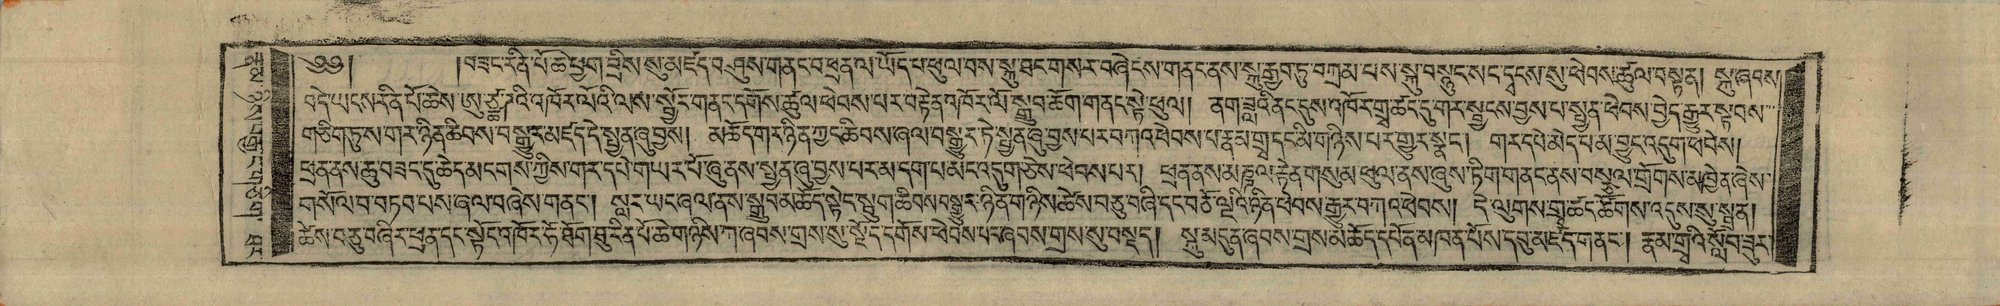༄༅། །བཟང་རིན་པོ་ཆེ་ཕྱག་བྲིས་སུ་མཛད་བཤུས་གནང་བ་ཕྲན་ལ་ཡོད་པ་ཕུལ་བས་སྐུ་ཐང་གསར་བཞེངས་གནང་ནས་སྐུ་རྒྱབ་ཏུ་བཀྲམ་པས་སྐུ་བསྙུང་སང་དྭངས་སུ་ཕེབས་ཚུལ་བསྟན། སྐུ་ཞབས་
བདེ་ཡངས་རིན་པོ་ཆེས་ཨུ་ཙྪ་ཌའི་འཁོར་ལོའི་ལས་སྦྱོར་གནང་དགོས་ཚུལ་ཕེབས་པར་བརྟེན་འཁོར་ལོ་སྒྲུབ་ཆོག་གནང་སྟེ་ཕུལ། ནག་ཟླའི་ནང་དུས་འཁོར་གྲྭ་ཚང་དུ་གར་སྦྱངས་བྱས་པ་སྤྱན་ཕེབས་བྱེད་རྒྱུར་སྟབས་
གཅིག་ཏུ་ས་གར་ཉིན་ཆིབས་བསྒྱུར་མཛད་དེ་སྤྱན་ཞུ་བྱས། མཆོད་གར་ཉིན་ཀྱང་ཆིབས་ཞལ་བསྒྱུར་ཏེ་སྤྱན་ཞུ་བྱས་པར་བཀའ་ཕེབས་པ་རྣམ་གྲྭ་དང་མི་གཉིས་པར་གྱུར་སྣང་། གར་དཔེ་མེད་པ་མ་བྱུང་འདུག་ཕེབས།
ཕྲན་ནས་ཆུ་བཟང་དུ་ཆེད་མངགས་ཀྱིས་གར་དཔེ་གཡར་པོ་ཞུ་ནས་སྤྱན་ཞུ་བྱས་པར་མ་དག་པ་མང་འདུག་ཅེས་ཕེབས་པར། ཕྲན་ནས་མཎྜལ་རྟེན་གསུམ་ཕུལ་ནས་ཞུས་ཏིག་གནང་ནས་བསྩལ་གྲོགས་མཁྱེན་ཞེས་
གསོལ་བ་བཏབ་པས་ཞལ་བཞེས་གནང་། སླར་ཡང་ཞལ་ནས་སྒྲུབ་མཆོད་སྟེང་སྦུག་ཆིབས་བསྒྱུར་ཉིན་གཉིས་ཚེས་བཅུ་བཞི་དང་བཅོ་ལྔའི་ཉིན་ཕེབས་རྒྱུར་བཀའ་ཕེབས། དེ་ལུགས་གྲྭ་ཚང་ཚོགས་འདུས་སུ་སྦྲན།
ཚེས་བཅུ་བཞིར་ཕྲན་དང་སྟོང་འཁོར་ཧོ་ཐོག་ཐུ་རིན་པོ་ཆེ་གཉིས་ཀ་ཞབས་གྲས་སུ་སྡོད་དགོས་ཕེབས་པར་ཞབས་གྲས་སུ་བསྡད། སྐུ་མདུན་ཞབས་གྲས་མཆོད་དཔོན་མཁན་པོས་དབུ་མཛད་གནང་། རྣམ་གྲྭའི་སློབ་ཟུར་